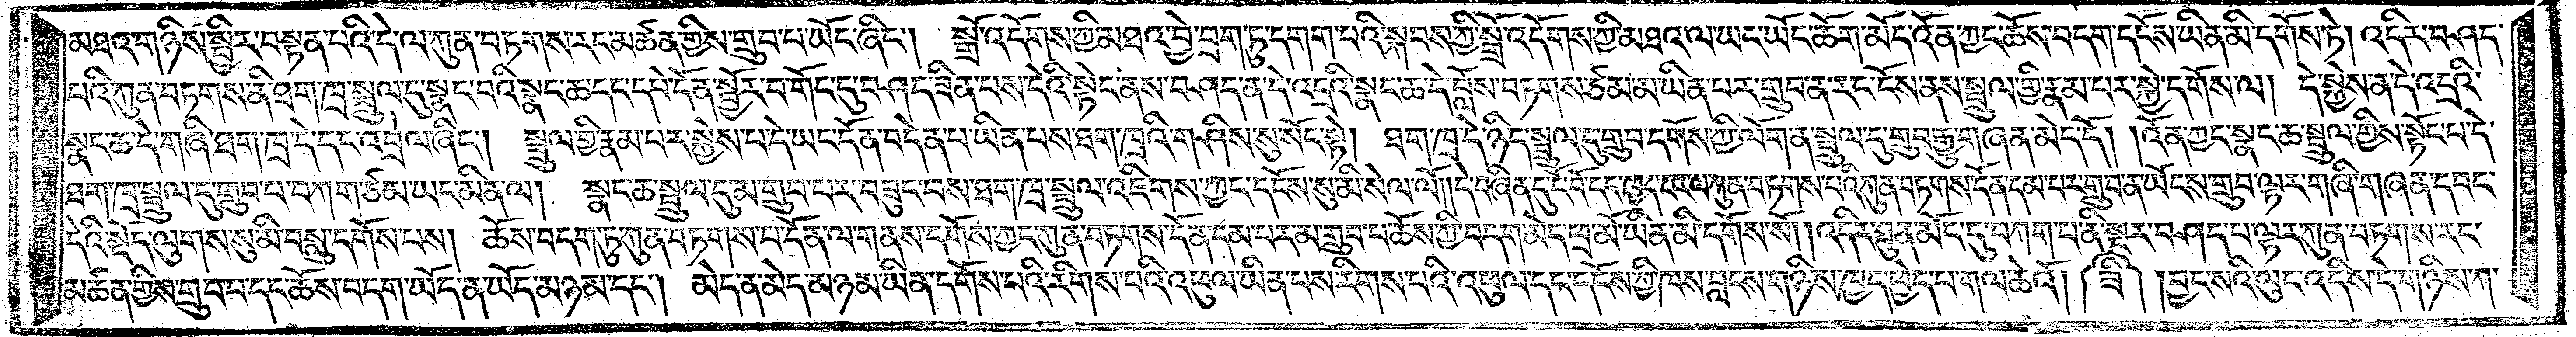མཐའ་གཉིས་སྤྱིར་བསྟན་པའི་དེ་ལ་ཀུན་བཏགས་རང་མཚན་གྱིས་གྲུབ་པ་ཡོང་ཞིང་། སྒྲོ་འདོགས་ཀྱི་མཐའ་བྱེ་བྲག་ཏུ་དགག་པའི་སྐབས་ཀྱི་སྒྲོ་འདོགས་ཀྱི་མཐའ་ལ་ཡང་ཡོད་ཆོག་མོད་འོན་ཀྱང་ཆོས་བདག་དངོས་ཡིན་མི་དགོས་ཏེ། འདིར་བཤད་
པའི་ཀུན་བཏགས་ནི་ཐག་ཁྲ་སྦྲུལ་དུ་སྣང་བའི་སྣང་ཆ་དང་དཔེ་དོན་སྦྱོར་བ་གོང་དུ་བཤད་ཟིན་པས་དེའི་སྟེང་ནས་བཤད་ན་དེ་འདྲའི་སྣང་ཆ་དེ་བློས་བཏགས་ཙམ་མ་ཡིན་པར་གྲུབ་ན་རང་ངོས་ནས་སྦྲུལ་གྱི་རྣམ་པར་སྐྱེ་དགོས་ལ། དེ་སྐྱེས་ན་དེ་འདྲའི་
སྣང་ཆ་དེ་གཞི་ཐག་ཁྲ་དེ་དང་འབྲེལ་ཞིང་། སྦྲུལ་གྱི་རྣམ་པར་སྐྱེས་པ་དེ་ཡང་དོན་བདེན་པ་ཡིན་པས་ཐག་ཁྲའི་གཤིས་སུ་སོང་སྟེ། ཐག་ཁྲ་དེ་ཉིད་སྦྲུལ་དུ་གྲུབ་དགོས་ཀྱི་ལོག་ན་སྦྲུལ་དུ་གྲུབ་རྒྱུ་གཞན་མེད་དོ། །འོན་ཀྱང་སྣང་ཆ་སྦྲུལ་གྱིས་སྟོང་པ་དེ་
ཐག་ཁྲ་སྦྲུལ་དུ་གྲུབ་པ་བཀག་ཙམ་ཡང་མིན་ལ། སྣང་ཆ་སྦྲུལ་དུ་མ་གྲུབ་པར་བཟུང་བས་ཐག་ཁྲ་སྦྲུལ་འཇིགས་ཀྱང་དངོས་སུ་མི་སེལ་ལོ། །དེ་བཞིན་དུ་ངོ་བོ་དང་ཁྱད་པར་ལ་ཀུན་བཏགས་པའི་ཀུན་བཏགས་དོན་དམ་པར་གྲུབ་ན་ཡོངས་གྲུབ་ལྟར་གཞི་གཞན་དབང་
དེའི་སྡོད་ལུགས་སུ་མི་བསླུ་དགོས་པས། ཆོས་བདག་ཏུ་ཀུན་བཏགས་པ་དོན་ལ་གནས་དགོས་ཀྱང་ཀུན་བཏགས་དོན་དམ་པར་མ་གྲུབ་པ་ཆོས་ཀྱི་བདག་མེད་ཕྲ་མོ་ཡིན་མི་དགོས་སོ། །འདིར་ཐུན་མོང་དུ་བཀག་པ་ནི་སྔར་བཤད་པ་ལྟར་ཀུན་བཏགས་རང་
མཚན་གྱིས་གྲུབ་པ་དང་ཆོས་བདག་ཡོད་ན་ཡོད་མཉམ་དང་། མེད་ན་མེད་མཉམ་ཡིན་དགོས་པའི་རིགས་པའི་འཕུལ་ཡིན་པས་རིགས་པའི་འཕུལ་དང་དངོས་ཀྱི་ཁས་བླངས་གཉིས་ཁྱད་ཕྱེད་པ་གལ་ཆེའོ། ༼ཟི༽ །བྱང་སའི་ལུང་འདིས་དེ་གཉིས་ཀ་